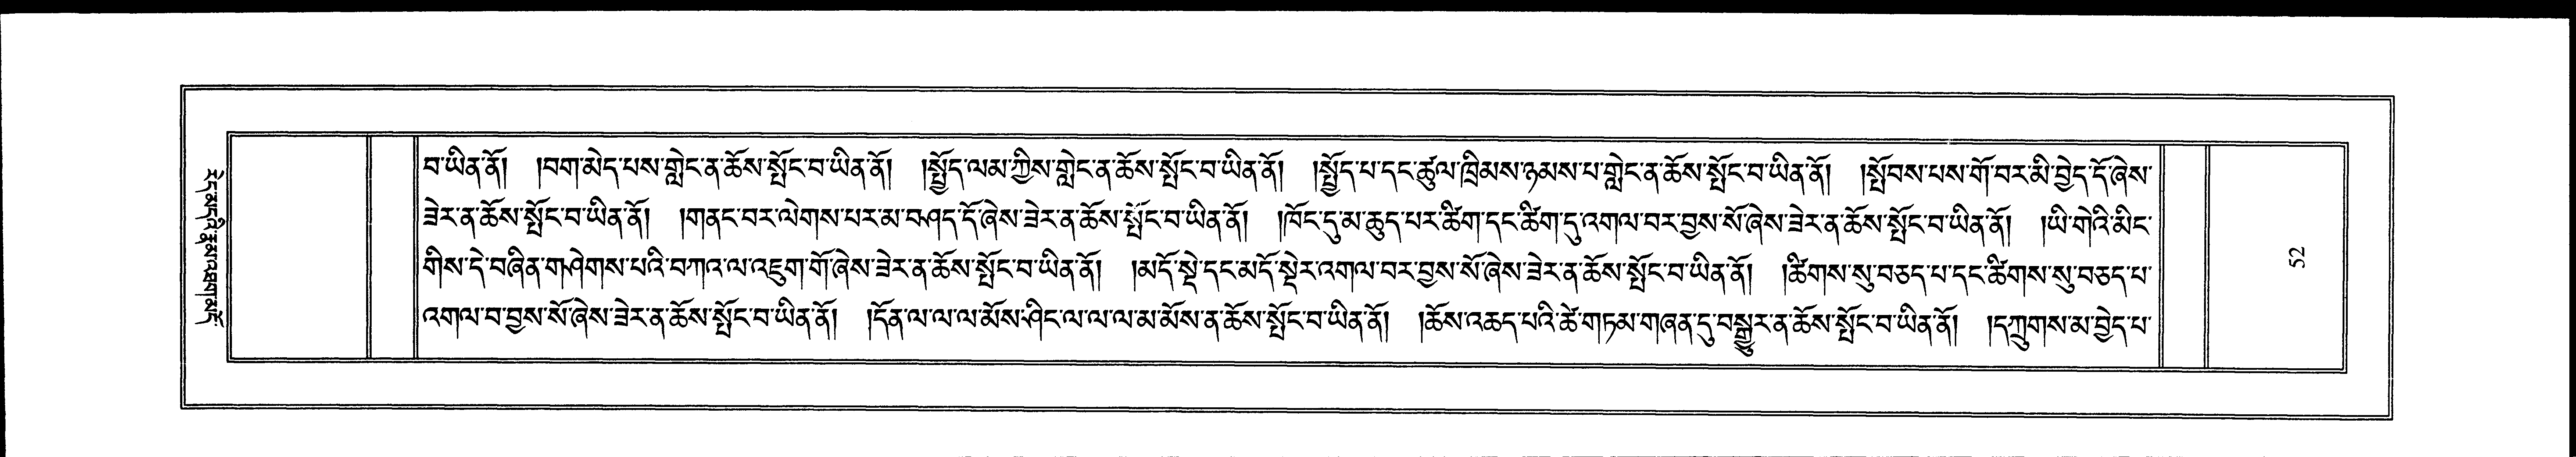བ་ཡིན་ནོ། །བག་མེད་པས་གླེང་ན་ཆོས་སྤོང་བ་ཡིན་ནོ། །སྤྱོད་ལམ་ཀྱིས་གླེང་ན་ཆོས་སྤོང་བ་ཡིན་ནོ། །སྤྱོད་པ་དང་ཚུལ་ཁྲིམས་ཉམས་པ་གླེང་ན་ཆོས་སྤོང་བ་ཡིན་ནོ། །སྤོབས་པས་གོ་བར་མི་བྱེད་དོ་ཞེས་
ཟེར་ན་ཆོས་སྤོང་བ་ཡིན་ནོ། །གནང་བར་ལེགས་པར་མ་བཤད་དོ་ཞེས་ཟེར་ན་ཆོས་སྤོང་བ་ཡིན་ནོ། །ཁོང་དུ་མ་ཆུད་པར་ཚིག་དང་ཚིག་དུ་འགལ་བར་བྱས་སོ་ཞེས་ཟེར་ན་ཆོས་སྤོང་བ་ཡིན་ནོ། །ཡི་གེའི་མིང་
གིས་དེ་བཞིན་གཤེགས་པའི་བཀའ་ལ་འཇུག་གོ་ཞེས་ཟེར་ན་ཆོས་སྤོང་བ་ཡིན་ནོ། །མདོ་སྡེ་དང་མདོ་སྡེར་འགལ་བར་བྱས་སོ་ཞེས་ཟེར་ན་ཆོས་སྤོང་བ་ཡིན་ནོ། །ཚིགས་སུ་བཅད་པ་དང་ཚིགས་སུ་བཅད་པ་
འགལ་བ་བྱས་སོ་ཞེས་ཟེར་ན་ཆོས་སྤོང་བ་ཡིན་ནོ། །དོན་ལ་ལ་ལ་མོས་ཤིང་ལ་ལ་ལ་མ་མོས་ན་ཆོས་སྤོང་བ་ཡིན་ནོ། །ཆོས་འཆད་པའི་ཚེ་གཏམ་གཞན་དུ་བསྒྱུར་ན་ཆོས་སྤོང་བ་ཡིན་ནོ། །དཀྲུགས་མ་བྱེད་པ་